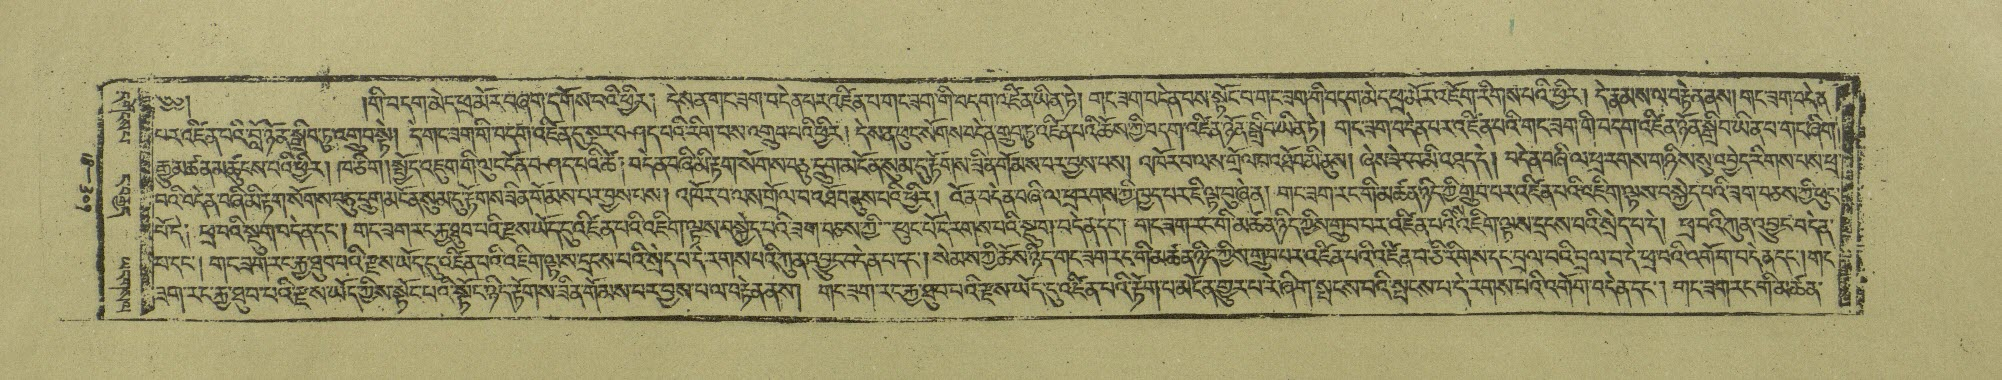༄༅། །གི་བདག་མེད་ཕྲ་མོར་བཞག་དགོས་པའི་ཕྱིར། དེས་ན་གང་ཟག་བདེན་པར་འཛིན་པ་གང་ཟག་གི་བདག་འཛིན་ཡིན་ཏེ། གང་ཟག་བདེན་པས་སྟོང་པ་གང་ཟག་གི་བདག་མེད་ཕྲ་མོར་འཇོག་རིགས་པའི་ཕྱིར། དེ་རྣམས་ལ་བརྟེན་ནས། གང་ཟག་བདེན་
པར་འཛིན་པའི་བློ་ཉོན་སྒྲིབ་ཏུ་འགྲུབ་སྟེ། དེ་གང་ཟག་གི་བདག་འཛིན་དུ་སྔར་བཤད་པའི་རིག་པས་འགྲུབ་པའི་ཕྱིར། དེས་ན་ཕུང་སོགས་བདེན་གྲུབ་ཏུ་འཛིན་པའི་ཆོས་ཀྱི་བདག་འཛིན་ཉོན་སྒྲིབ་ཡིན་ཏེ། གང་ཟག་བདེན་པར་འཛིན་པའི་གང་ཟག་གི་བདག་འཛིན་ཉོན་སྒྲིབ་ཡིན་པ་གང་ཞིག །
རྒྱུ་མཚན་མཚུངས་པའི་ཕྱིར། ཁ་ཅིག །སྤྱོད་འཇུག་གི་ལུང་དོན་བཤད་པའི་ཚེ། བདེན་བཞི་མི་རྟག་སོགས་བཅུ་དྲུག་མངོན་སུམ་དུ་རྟོགས་ཟིན་གོམས་པར་བྱས་པས། འཁོར་བ་ལས་གྲོལ་བ་འཐོབ་མི་ནུས། ཞེས་ཟེར་བ་མི་འཐད་དེ། བདེན་བཞི་ལ་ཕྲ་རགས་གཉིས་སུ་འབྱེད་རིགས་པས་ཕྲ་
བའི་བདེན་བཞི་མི་རྟག་སོགས་བཅུ་དྲུག་མངོན་སུམ་དུ་རྟོགས་ཟིན་གོམས་པར་བྱས་པས། འཁོར་བ་ལས་གྲོལ་བ་འཐོབ་ནུས་པའི་ཕྱིར། འོ་ན་བདེན་བཞི་ལ་ཕྲ་རགས་ཀྱི་ཁྱད་པར་ཇི་ལྟ་བུ་ཞེ་ན། གང་ཟག་རང་གི་མཚན་ཉིད་ཀྱི་གྲུབ་པར་འཛིན་པའི་འཇིག་ལྟས་བསྐྱེད་པའི་ཟག་བཅས་ཀྱི་ཕུང་
པོ་དེ། ཕྲ་བའི་སྡུག་བདེན་དང་། གང་ཟག་རང་རྐྱ་ཐུབ་པའི་རྫས་ཡོད་དུ་འཛིན་པའི་འཇིག་ལྟས་བསྐྱེད་པའི་ཟག་བཅས་ཀྱི་ཕུང་པོ་དེ་རགས་པའི་སྡུག་བདེན་དང་། གང་ཟག་རང་གི་མཚན་ཉིད་ཀྱིས་གྲུབ་པར་འཛིན་པའི་འཇིག་ལྟས་དྲངས་བའི་སྲེད་པ་དེ། ཕྲ་བའི་ཀུན་འབྱུང་བདེན་
པ་དང་། གང་ཟག་རང་རྐྱ་ཐུབ་པའི་རྫས་ཡོད་དུ་འཛིན་པའི་འཇིག་ལྟས་དྲངས་པའི་སྲེད་པ་དེ་རགས་པའི་ཀུན་འབྱུང་བདེན་པ་དང་། སེམས་ཀྱི་ཆོས་ཉིད་གང་ཟག་རང་གི་མཚན་ཉིད་ཀྱིས་གྲུབ་པར་འཛིན་པའི་འཛིན་པ་ཅི་རིགས་དང་བྲལ་བའི་བྲལ་བ་དེ་ཕྲ་བའི་འགོག་བདེན་དང་། གང་
ཟག་རང་རྐྱ་ཐུབ་པའི་རྫས་ཡོད་ཀྱིས་སྟོང་པའི་སྟོང་ཉིད་རྟོགས་ཟིན་གོམས་པར་བྱས་པ་ལ་བརྟེན་ནས། གང་ཟག་རང་རྐྱ་ཐུབ་པའི་རྫས་ཡོད་དུ་འཛིན་པའི་རྟོག་པ་མངོན་གྱུར་པ་རེ་ཞིག་སྤངས་པའི་སྤངས་པ་དེ་རགས་པའི་འགོག་བདེན་དང་། གང་ཟག་རང་གི་མཚན་